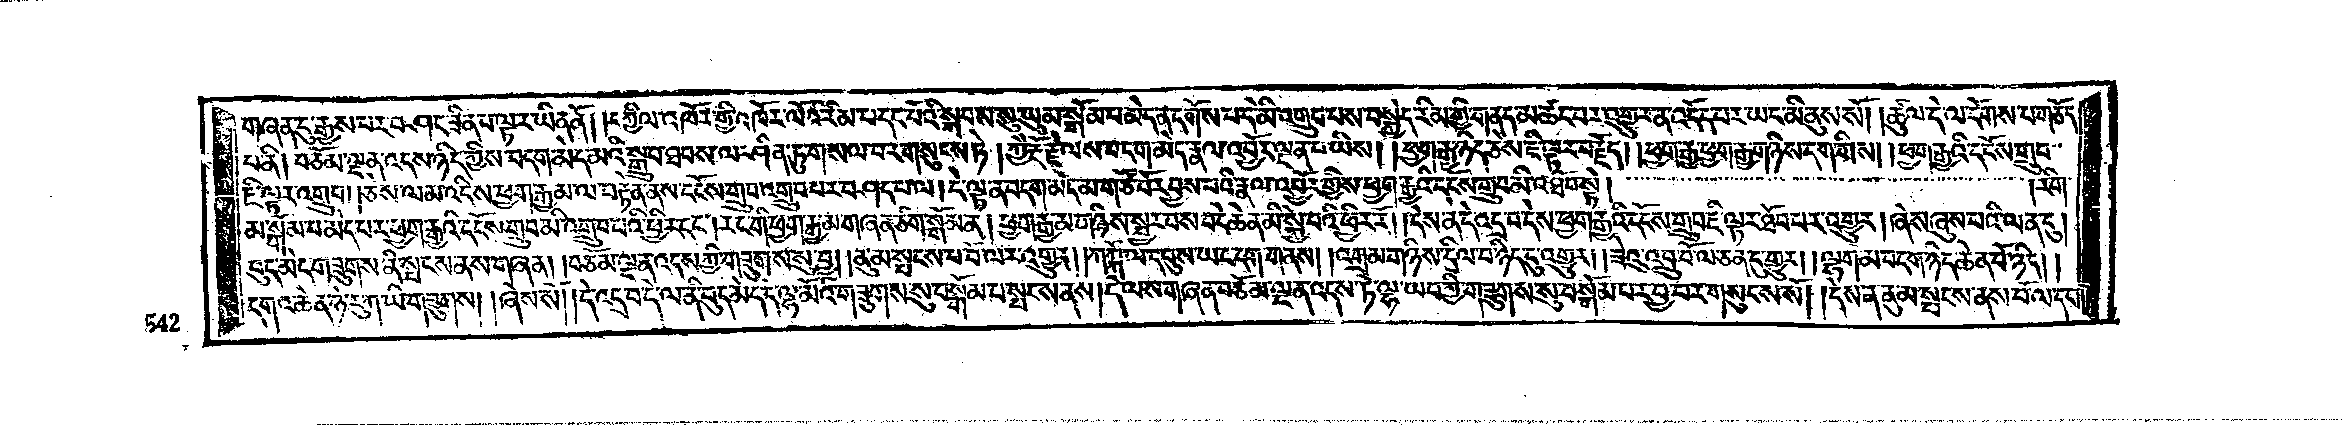གཞན་དུ་རྒྱས་པར་བཤད་ཟིན་པ་ལྟར་ཡིན་ནོ། །དཀྱིལ་འཁོར་གྱི་འཁོར་ལོའི་རིམ་པ་དང་པོའི་སྐབས་སུ་ཡུམ་སྒོམ་པ་མེད་ན་དགོས་པ་དེ་མི་འགྲུབ་པས་བསྐྱེད་རིམ་གྱི་གནད་མ་ཚང་བར་འགྱུར་ན་འདོད་པར་ཡང་མི་ནུས་སོ། །ཚུལ་དེ་ལ་དོགས་པ་གཅོད་
པ་ནི། བཅོམ་ལྡན་འདས་ཉིད་ཀྱིས་བདག་མེད་མའི་སྒྲུབ་ཐབས་ལ་ཤིན་ཏུ་གསལ་བར་གསུངས་ཏེ། ཀྱཻ་རྡོ་རྗེ་ལས་བདག་མེད་རྣལ་འབྱོར་ལྡན་པ་ཡིས། །ཕྱག་རྒྱ་ཉིད་ཅེས་ཇི་ལྟར་བརྗོད། །ཕྱག་རྒྱ་ཕྱག་རྒྱ་གཉིས་དག་གིས། །ཕྱག་རྒྱའི་དངོས་གྲུབ་
ཇི་ལྟར་འགྲུབ། །ཅེས་ལམ་འདིས་ཕྱག་རྒྱ་མ་ལ་བརྟེན་ནས་དངོས་གྲུབ་འགྲུབ་པར་བཤད་པ་ལ། དེ་ལྟ་ན་བདག་མེད་མ་གཙོ་བོར་བྱས་པའི་རྣལ་འབྱོར་གྱིས་ཕྱག་རྒྱའི་དངོས་གྲུབ་མི་འཐོབ་སྟེ། །རིག་
མ་སྒོམ་པ་མེད་པར་ཕྱག་རྒྱའི་དངོས་གྲུབ་མི་འགྲུབ་པའི་ཕྱིར་དང་། རང་གི་ཕྱག་རྒྱ་མ་གཞན་ཅིག་སྒོམ་ན། ཕྱག་རྒྱ་མ་གཉིས་སྦྱར་བས་བདེ་ཆེན་མི་སྐྱེ་བའི་ཕྱིར་རོ། །དེས་ན་དེ་འདྲ་བ་དེས་ཕྱག་རྒྱའི་དངོས་གྲུབ་ཇི་ལྟར་ཐོབ་པར་འགྱུར། ཞེས་ཞུས་པའི་ལན་དུ།
བུད་མེད་གཟུགས་ནི་སྤངས་ནས་གཞན། །བཅོམ་ལྡན་འདས་ཀྱི་གཟུགས་སུ་བྱ། །ནུ་མ་སྤངས་པ་བོ་ལར་འགྱུར། །ཀཀྐོ་ལ་དབུས་ཡང་དག་གནས། །འགྲམ་གཉིས་དྲིལ་བ་ཉིད་དུ་འགྱུར། །ཟེའུ་འབྲུ་བོ་ལ་ཅན་དུ་གྱུར། །ལྷག་མ་བདག་ཉིད་ཆེན་པོ་ཉིད། །
དགའ་ཆེན་ཧེ་རུ་ཀ་ཡི་གཟུགས། །ཞེས་སོ། །དེ་འདྲ་བ་དེ་ལ་ནི་བུད་མེད་དེ་ལྷ་མོའི་གཟུགས་སུ་བསྒོམ་པ་སྤངས་ནས། དེ་ལས་གཞན་བཅོམ་ལྡན་འདས་ཏེ་ལྷ་ཡབ་ཀྱི་གཟུགས་སུ་བསྒོམ་པར་བྱ་བར་གསུངས་སོ། །དེས་ན་ནུ་མ་སྤངས་ནས་པོ་ལ་དང་། །